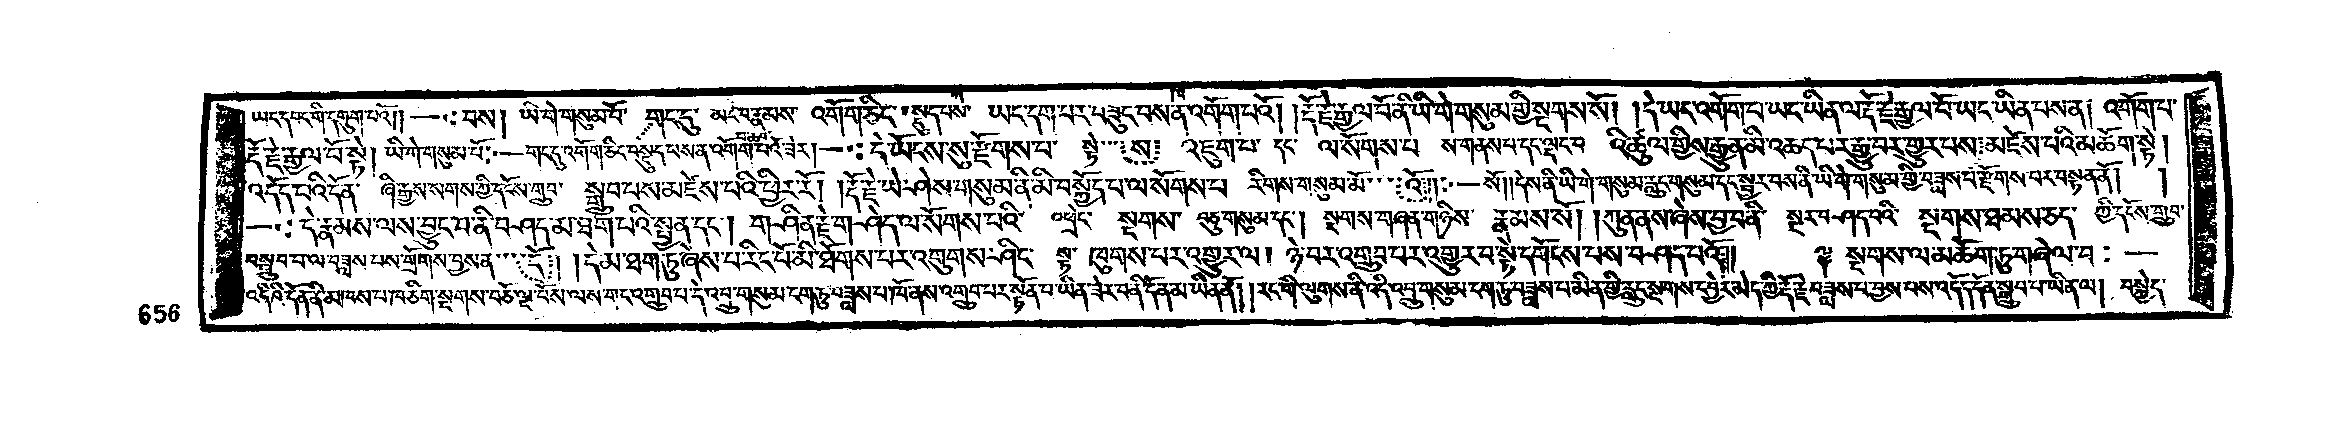ཡང་དབང་གི་དགུག་པའོ།།.H བས། ཡི་གེ་གསུམ་པོ་གང་དུ་མང་བ་རྣམས་འགོག་ཅིང་བསྡུད་པས་ཀ྄་ཡང་དག་པར་བཟུང་བས་ཁ྄་ན་འགོག་པའོ། །རྡོ་རྗེ་རྒྱལ་པོ་ནི་ཡི་གེ་གསུམ་གྱི་སྔགས་སོ། །དེ་ཡང་འགོག་པ་ཡང་ཡིན་ལ་རྡོ་རྗེ་རྒྱལ་པོ་ཡང་ཡིན་པས་ན། འགོག་པ་
རྡོ་རྗེ་རྒྱལ་པོ་སྟེ། ཡི་གེ་གསུམ་པོཿ་གང་དུ་འགོག་ཅིང་བསྡུད་པས་ན་འགོག་པའོ་ཟེར།.Hདེ་ཡོངས་སུ་རྫོགས་པ་སྟེ་ས་འཇུག་པ་དང་ལ་སོགས་པས་གནས་པ་དང་ལྡང་བའི་ཚུལ་གྱིས་རྒྱུན་མི་འཆད་པར་རྒྱུ་བར་གྱུར་པས་མཛེས་པའི་མཆོག་སྟེ།
འདོད་པའི་དོན་ཞི་རྒྱས་སོགས་ཀྱི་དངོས་གྲུབ་སྒྲུབ་པས་མཛེས་པའི་ཕྱིར་རོ། །རྡོ་རྗེ་ཡེ་ཤེས་གསུམ་ནི་མི་བསྐྱོད་པ་ལ་སོགས་པ་རིགས་གསུམ་མོའོ།།H.སོ། །དེས་ནི་ཡི་གེ་གསུམ་རླུང་གསུམ་དང་སྦྱར་བས་ནི་ཡི་གེ་གསུམ་གྱི་བཟླས་པ་རྫོགས་པར་བསྟན་ནོ། །
.Hདེ་རྣམས་ལས་བྱུང་བ་ནི་བཤད་མ་ཐག་པའི་སྤྱན་དང་། གཤིན་རྗེ་གཤེད་ལ་སོགས་པའི་འཕྲེང་སྔགས་བཅུ་གསུམ་དང་། སྔགས་གཞན་གཉིས་རྣམས་སོ། །ཀུན་ནས་ཞེས་བྱ་བ་ནི་སྔར་བཤད་པའི་སྔགས་ཐམས་ཅད་ཀྱི་དངོས་གྲུབ་
བསྒྲུབ་པ་ལ་བཟླས་པས་གྲོགས་བྱས་ན་དེ། །དེ་མ་ཐག་ཏུ་ཞེས་པ་རིང་པོ་མི་ཐོགས་པར་འགུགས་ཤིང་སྟ་ཁུགས་པར་འགྱུར་ལ། ཉེ་བར་འགྲུབ་པར་འགྱུར་བ་སྟེ་དགོངས་པས་བཤད་པའོ།། ༈ སྔགས་ལ་མཆོག་ཏུ་གཞེལ་བཿ
འདིའི་དོན་ནི་མཁས་པ་ཁ་ཅིག་སྔགས་བཅོ་ལྔ་པོས་ལས་གང་འགྲུབ་པ་དེ་འབྲུ་གསུམ་ངག་ཏུ་བཟླས་པ་ཁོ་ནས་འགྲུབ་པར་སྟོན་པ་ཡིན་ཟེར་བ་ནི་དོན་མ་ཡིན་ནོ། །རང་གི་ལུགས་ནི་འདི་འབྲུ་གསུམ་ངག་ཏུ་བཟླས་པ་མིན་གྱི་རླུང་སྔགས་དབྱེར་མེད་ཀྱི་རྡོ་རྗེ་བཟས་པ་བྱས་པས་འདོད་དོན་སྒྲུབ་པ་ཡིན་ལ། བསྐྱེད་